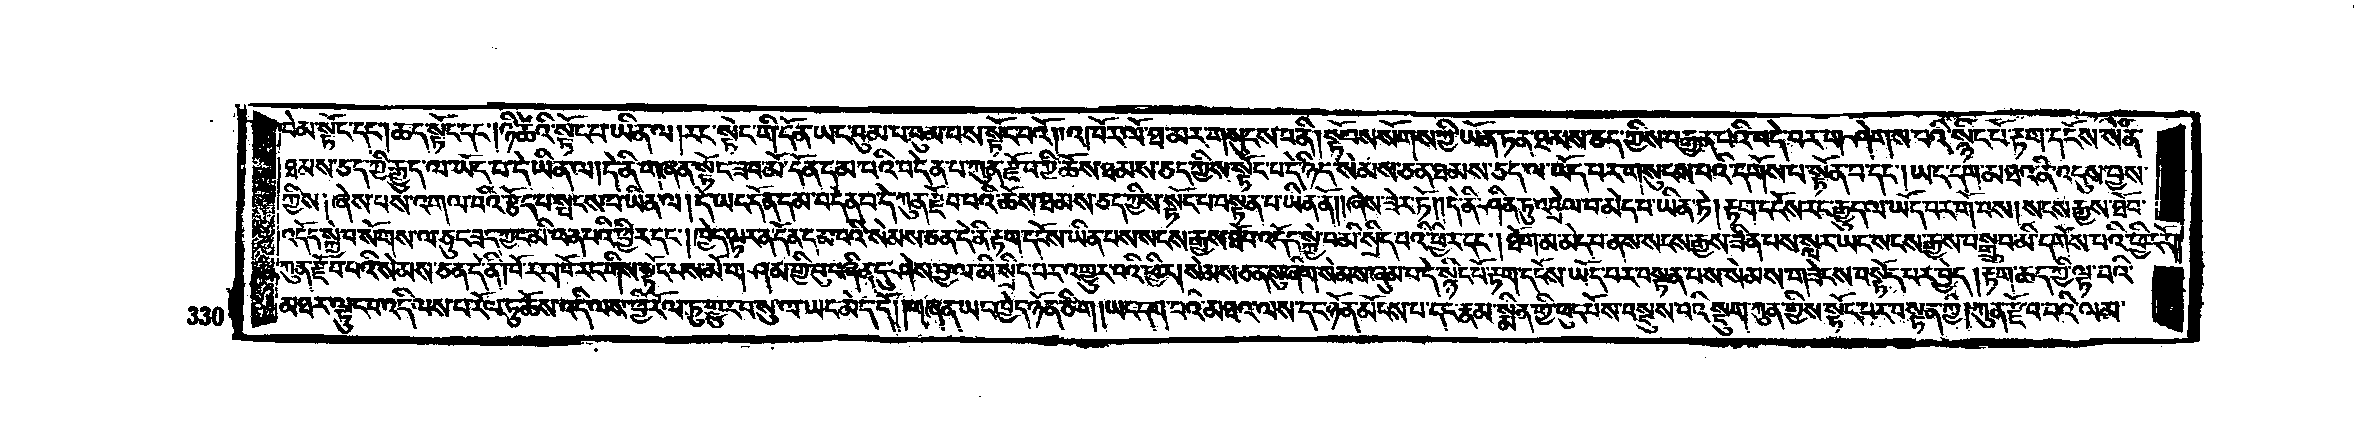བེམ་སྟོང་དང་། ཆད་སྟོང་དང་། ཉི་ཚེའི་སྟོང་པ་ཡིན་ལ། རང་སྟེང་གི་དོན་ཡང་བུམ་པ་བུམ་པས་སྟོང་པའོ། །འཁོར་ལོ་ཐ་མར་གསུངས་པ་ནི། སྟོབས་སོགས་ཀྱི་ཡོན་ཏན་ཐམས་ཅད་ཀྱིས་བརྒྱན་པའི་བདེ་བར་གཤེགས་པའི་སྙིང་པོ་རྟག་དངོས་སེམས་ཅན་
ཐམས་ཅད་ཀྱི་རྒྱུད་ལ་ཡོད་པ་དེ་ཡིན་ལ། དེ་ནི་གཞན་སྟོང་ཟབ་མོ་དོན་དམ་པའི་བདེན་པ་ཀུན་རྫོབ་ཀྱི་ཆོས་ཐམས་ཅད་ཀྱིས་སྟོང་པ་དེ་ཉིད་སེམས་ཅན་ཐམས་ཅད་ལ་ཡོད་པར་གསུངས་པའི་དགོས་པ་སྟོན་པ་དང་། ཡང་དག་མཐའ་ནི་འདུས་བྱས་
ཀྱིས༑ ཞེས་པས་འགལ་བའི་རྩོད་པ་སྤངས་པ་ཡིན་ལ། དེ་ཡང་དོན་དམ་བདེན་པ་དེ་ཀུན་རྫོབ་པའི་ཆོས་ཐམས་ཅད་ཀྱིས་སྟོང་པ་བསྟན་པ་ཡིན་ནོ། །ཞེས་ཟེར་ཏོ། །དེ་ནི་ཤིན་ཏུ་འབྲེལ་པ་མེད་པ་ཡིན་ཏེ། རྟག་དངོས་རང་རྒྱུད་ལ་ཡོད་པར་གོ་བས། སངས་རྒྱས་ཐོབ་
འདོད་སྐྱེ་བ་སོགས་ལ་ཅུང་ཟད་ཀྱང་མི་ཕན་པའི་ཕྱིར་དང་། ཁྱེད་ལྟར་ན་དོན་དམ་པའི་སེམས་ཅན་དེ་ནི་རྟག་དངོས་ཡིན་པས་སངས་རྒྱས་ཐོབ་འདོད་སྐྱེ་བ་མི་སྲིད་པའི་ཕྱིར་དང་། ཐོག་མ་མེད་པས་ནས་སངས་རྒྱས་ཟིན་པས་སླར་ཡང་སངས་རྒྱས་བསྒྲུབ་མི་དགོས་པའི་ཕྱིར་རོ། །
ཀུན་རྫོབ་པའི་སེམས་ཅན་དེ་ནི་ཁོ་རང་ཁོ་རང་གིས་སྟོང་པས་མོ་གཤམ་གྱི་བུ་བཞིན་དུ་ཤེས་བྱ་ལ་མི་སྲིད་པར་འགྱུར་བའི་ཕྱིར། སེམས་ཅན་སུ་ཞིག་སེམས་ཞུམ་པ་དེ་སྙིང་པོ་རྟག་དངོས་ཡོད་པར་བསྟན་པས་སེམས་གཟེངས་བསྟོད་པར་བྱེད། རྟག་ཆད་ཀྱི་ལྟ་བའི་
མཐར་ལྟུང་བ་འདི་ལས་ཕ་རོལ་ཏུ་ཆོས་འདི་ལས་ཕྱི་རོལ་ཏུ་གྱུར་པ་སུ་ལ་ཡང་མེད་དོ། །གཞན་ཡང་ཁྱེད་ཉོན་ཅིག །ཡང་དག་པའི་མཐའ་ལས་དང་ཉོན་མོངས་པ་དང་རྣམ་སྨིན་གྱི་ཕུང་པོས་བསྡུས་པའི་སྡུག་ཀུན་གྱིས་སྟོང་པར་བསྟན་གྱི་།ཀུན་རྫོབ་པའི་ལམ་